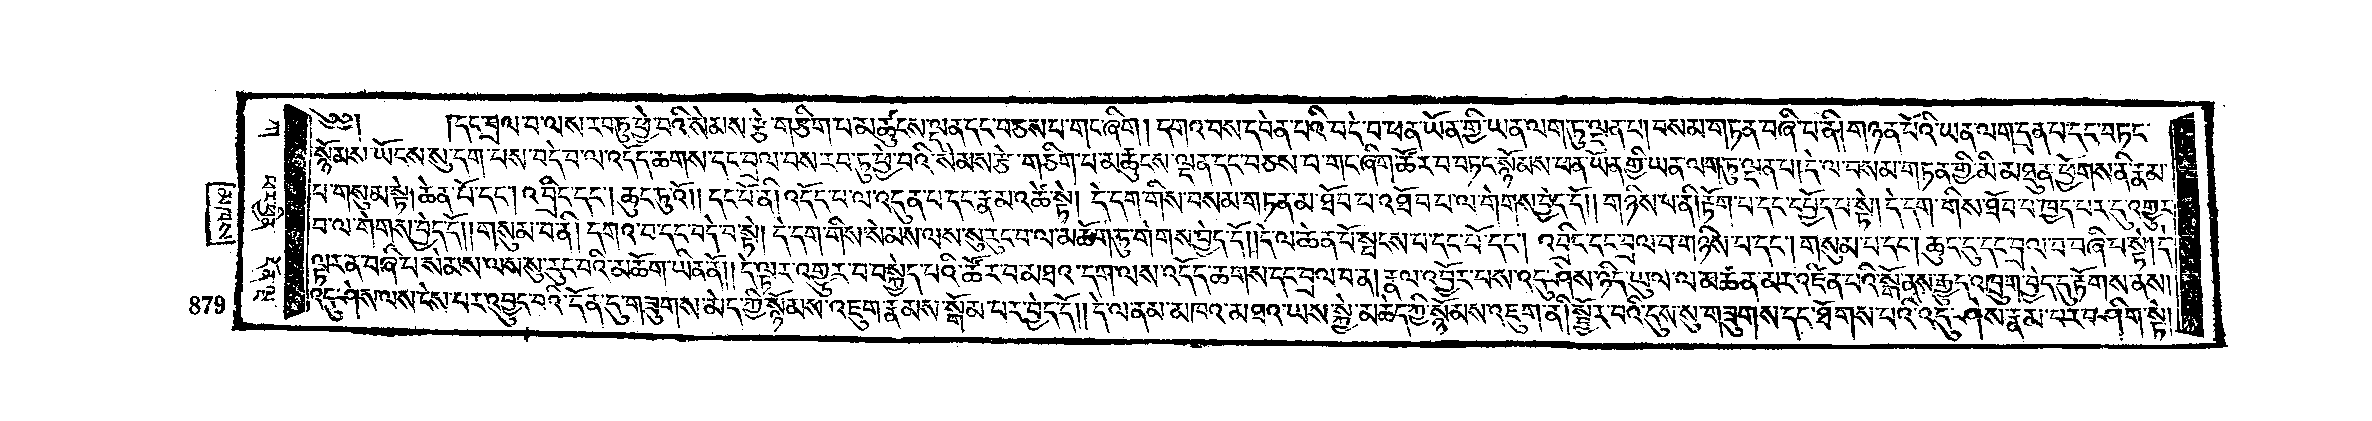༄༅། །དང་བྲལ་བ་ལས་རབ་ཏུ་ཕྱེ་བའི་སེམས་རྩེ་གཅིག་པ་མཚུངས་ལྡན་དང་བཅས་པ་གང་ཞིག །དགའ་བས་དབེན་པའི་བདེ་བ་ཕན་ཡོན་གྱི་ཡན་ལག་ཏུ་ལྡན་པ། བསམ་གཏན་བཞི་པ་ནི། གཉན་པོའི་ཡན་ལག་དྲན་པ་དང་བཏང་
སྙོམས་ཡོངས་སུ་དག་པས་བདེ་བ་ལ་འདོད་ཆགས་དང་བྲལ་བས་རབ་ཏུ་ཕྱེ་བའི་སེམས་རྩེ་གཅིག་པ་མཚུངས་ལྡན་དང་བཅས་པ་གང་ཞིག་ཚོར་བ་བཏང་སྙོམས་ཕན་ཡོན་གྱི་ཡན་ལག་ཏུ་ལྡན་པ། དེ་ལ་བསམ་གཏན་གྱི་མི་མཐུན་ཕྱོགས་ནི་རྣམ་
པ་གསུམ་སྟེ། ཆེན་པོ་དང་། འབྲིང་དང་། ཆུང་ཏུ་འོ། །དང་པོ་ནི། འདོད་པ་ལ་འདུན་པ་དང་རྣམ་འཚེ་སྟེ། དེ་དག་གིས་བསམ་གཏན་མ་ཐོབ་པ་འཐོབ་པ་ལ་གེགས་བྱེད་དོ། །གཉིས་པ་ནི། རྟོག་པ་དང་དཔྱོད་པ་སྟེ། དེ་དག་གིས་ཐོབ་པ་ཁྱད་པར་དུ་འགྱུར་
བ་ལ་གེགས་བྱེད་དོ། །གསུམ་པ་ནི། དགའ་བ་དང་བདེ་བ་སྟེ། དེ་དག་གིས་སེམས་ལས་སུ་རུང་བ་ལ་མཆོག་ཏུ་གེགས་བྱེད་དོ། །དེ་ལ་ཆེན་པོ་སྤངས་པ་དང་པོ་དང་། འབྲིང་དང་བྲལ་བ་གཉིས་པ་དང་། གསུམ་པ་དང་། ཆུང་ངུ་དང་བྲལ་པ་བཞི་པ་སྟེ། དེ་
ལྟར་ན་བཞི་པ་སེམས་ལས་སུ་རུང་བའི་མཆོག་ཡིན་ནོ། །དེ་ལྟར་འགྱུར་བ་བསྐྱེད་པའི་ཚོར་བ་མཐའ་དག་ལས་འདོད་ཆགས་དང་བྲལ་བ་ན། རྣལ་འབྱོར་པས་འདུ་ཤེས་ཉིད་ཡུལ་ལ་མཚན་མར་འཛིན་པའི་སྒོ་ནས་རྒྱུད་འཁྲུག་བྱེད་དུ་རྟོགས་ནས།
འདུ་ཤེས་ལས་ངེས་པར་འབྱུང་བའི་དོན་དུ་གཟུགས་མེད་ཀྱི་སྙོམས་འཇུག་རྣམས་སྒོམ་པར་བྱེད་དོ། །དེ་ལ་ནམ་མཁའ་མཐའ་ཡས་སྐྱེ་མཆེད་ཀྱི་སྙོམས་འཇུག་ནི། སྦྱོར་བའི་དུས་སུ་གཟུགས་དང་ཐོགས་པའི་འདུ་ཤེས་རྣམ་པར་བཤིག་སྟེ།